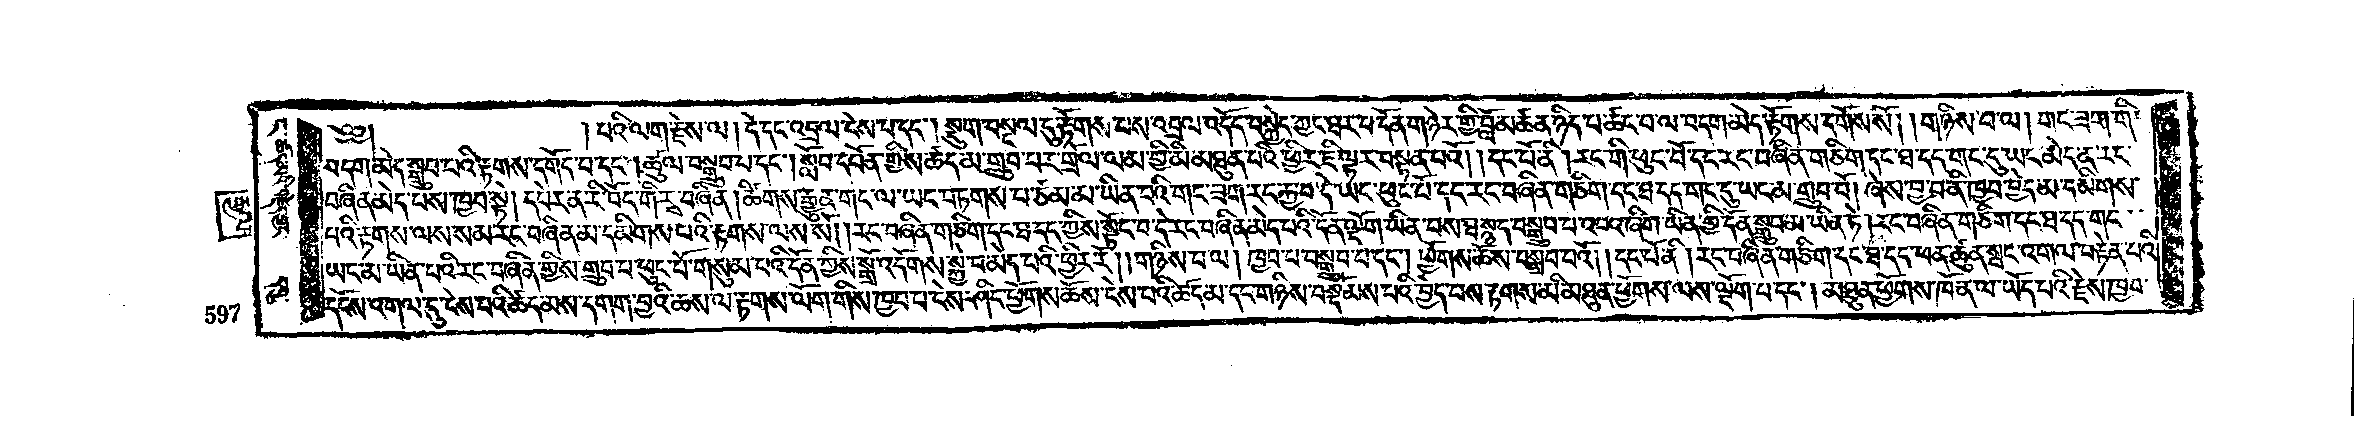༄༅། །པའི་ལག་རྗེས་ལ། དེ་དང་འབྲལ་ངེས་པ་དང་། སྡུག་བསྔལ་དུ་རྟོགས་པས་འབྲལ་འདོད་བསྐྱེད་ཀྱང་ཐར་པ་དོན་གཉེར་གྱི་བློ་མཚན་ཉིད་པ་ཚང་བ་ལ་བདག་མེད་རྟོགས་དགོས་སོ། །གཉིས་པ་ལ། གང་ཟག་གི་
བདག་མེད་སྒྲུབ་པའི་རྟགས་དགོད་པ་དང་། ཚུལ་བསྒྲུབ་པ་དང་། སློབ་དཔོན་གྱིས་ཚད་མ་གྲུབ་པར་གྲོལ་ལམ་གྱི་མི་མཐུན་པའི་ཕྱིར་ཇི་ལྟར་བསྟན་པའོ། །དང་པོ་ནི། རང་གི་ཕུང་པོ་དང་རང་བཞིན་གཅིག་དང་ཐ་དད་གང་དུ་ཡང་མེད་ན་རང་
བཞིན་མེད་པས་ཁྱབ་སྟེ། དཔེར་ན་རི་བོང་གི་རྭ་བཞིན། ཚིགས་རྒྱུན་གང་ལ་ཡང་བཏགས་པ་ཙམ་མ་ཡིན་པའི་གང་ཟག་རང་རྐྱ་བ་དེ་ཡང་ཕུང་པོ་དང་རང་བཞིན་གཅིག་དང་ཐ་དད་གང་དུ་ཡང་མ་གྲུབ་བོ། །ཞེས་བྱ་བ་ནི་ཁྱབ་བྱེད་མ་དམིགས་
པའི་རྟགས་ལས་སམ་རང་བཞིན་མ་དམིགས་པའི་རྟགས་ལས་སོ། །རང་བཞིན་གཅིག་དང་ཐ་དད་ཀྱིས་སྟོང་བ་དེ་རང་བཞིན་མེད་པའི་དོན་ལྡོག་ཡིན་པས་སྙད་བསྒྲུབ་པ་འབའ་ཞིག་ཡིན་གྱི་དོན་སྒྲུབ་མ་ཡིན་ཏེ། རང་བཞིན་གཅིག་དང་ཐ་དད་གང་
ཡང་མ་ཡིན་པའི་རང་བཞིན་གྱིས་གྲུབ་པ་ཕུང་པོ་གསུམ་པའི་དོན་གྱིས་སྒྲོ་འདོགས་སྐྱེ་བ་མེད་པའི་ཕྱིར་རོ། །གཉིས་པ་ལ། ཁྱབ་པ་བསྒྲུབ་པ་དང་། ཕྱོགས་ཆོས་བསྒྲུབ་པའོ། །དང་པོ་ནི། རང་བཞིན་གཅིག་དང་ཐ་དད་ཕན་ཚུན་སྤང་འགལ་བརྟེན་པའི་
དངོས་འགལ་དུ་ངེས་པའི་ཚད་མས་དགག་བྱའི་ཆོས་ལ་རྟགས་ལོག་གིས་ཁྱབ་པ་ངེས་ཤིང་ཕྱོགས་ཆོས་ངེས་པའི་ཚེད་མ་དང་གཉིས་བསྡོམས་པའི་བྱེད་པའི་བྱེད་པས་རྟགས་མི་མཐུན་ཕྱོགས་ལས་ལྡོག་པ་དང་། མཐུན་ཕྱོགས་ཁོ་ན་ལ་ཡོད་པའི་རྗེས་ཁྱབ་